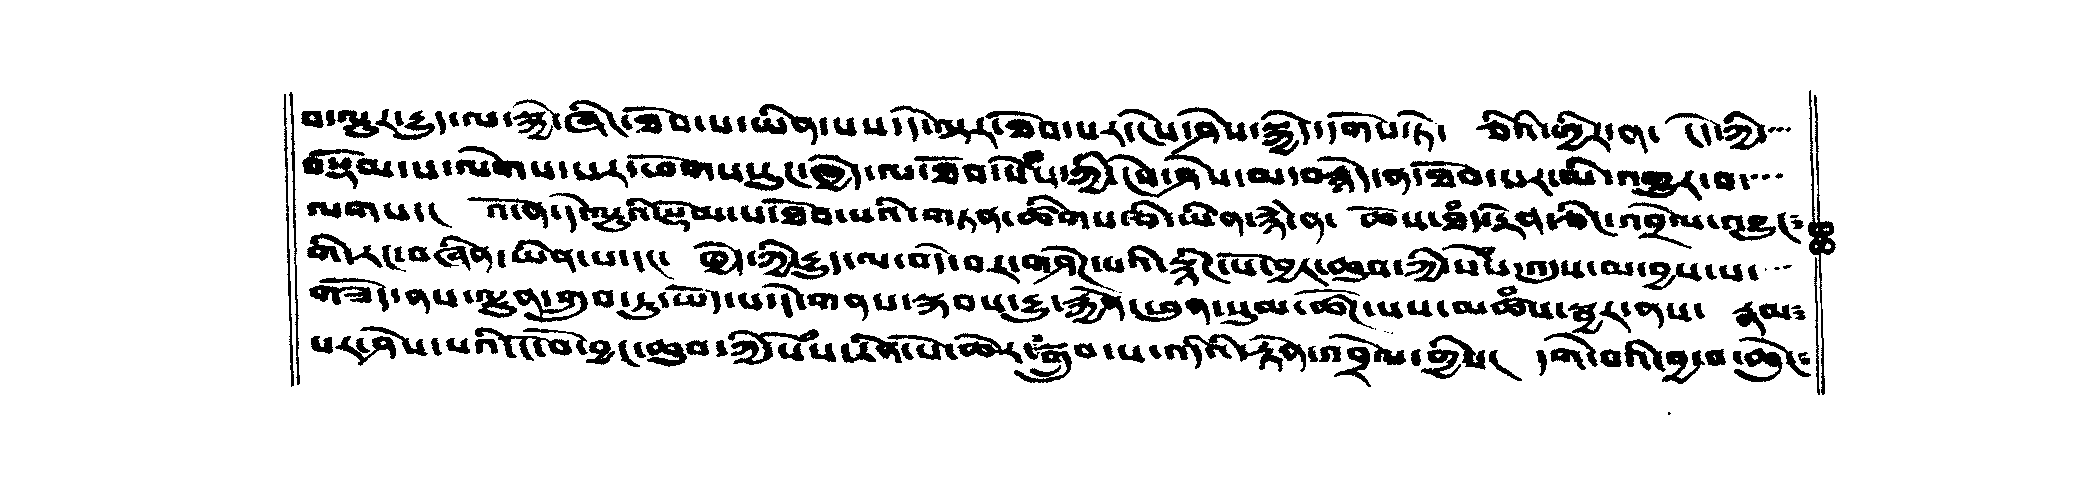བ་ལྟ་བུར་རྒྱུད་ལ་སྐྱེ་ཞིང་ཐོབ་པ་ཡིན་པས་དེ་ལྟར་ཐོབ་པར་ངེས་ཤེས་སྐྱེད་དགོས་ཏེ། ཅིའི་ཕྱིར་ན། ངེད་ཀྱི་
བསྡོམ་པ་ལེགས་པར་ཕོགས་རུང་ཁྱེད་ལ་ཐོབ་སེམས་ཀྱི་ངེས་ཤེས་མ་བརྙེད་ན་ཐོབ་པར་མི་འགྱུར་བ་
ལགས། འོ་ན་དེ་ལྟ་བུའི་སྡོམ་པ་ཐོབ་པའི་གཏན་ཚིགས་ཅི་ཡིན་རྙམ་ན། ཆོས་ཐམས་ཅད་རྟེན་ཅིང་འབྲེལ་འབྱུང་
གི་རང་བཞིན་ཡིན་པ་དང་། ཁྱོད་ཀྱི་རྒྱུད་ལ་བདེ་བར་གཤེགས་པའི་སྙིང་པོ་བྱང་ཆུབ་ཀྱི་སེམས་འདུས་མ་བྱས་པ་
གཟོད་ནས་ལྷུན་གྲུབ་ཏུ་ཡོད་པ་དེ་གནས་སྐབས་རྒྱུ་རྐྱེན་ཕུན་སུམ་ཚོགས་པས་མཚམས་སྦྱར་ནས། རྣམ་
པར་ཤེས་པའི་ངོ་བོ་བྱང་ཆུབ་ཀྱི་སེམས་རིན་པོ་ཆེར་བསྒྲུབ་པ་འདིའི་རྟེན་འབྲེལ་གྱིས། དགེ་བའི་བྱ་བ་ཆེ་ཆུང་